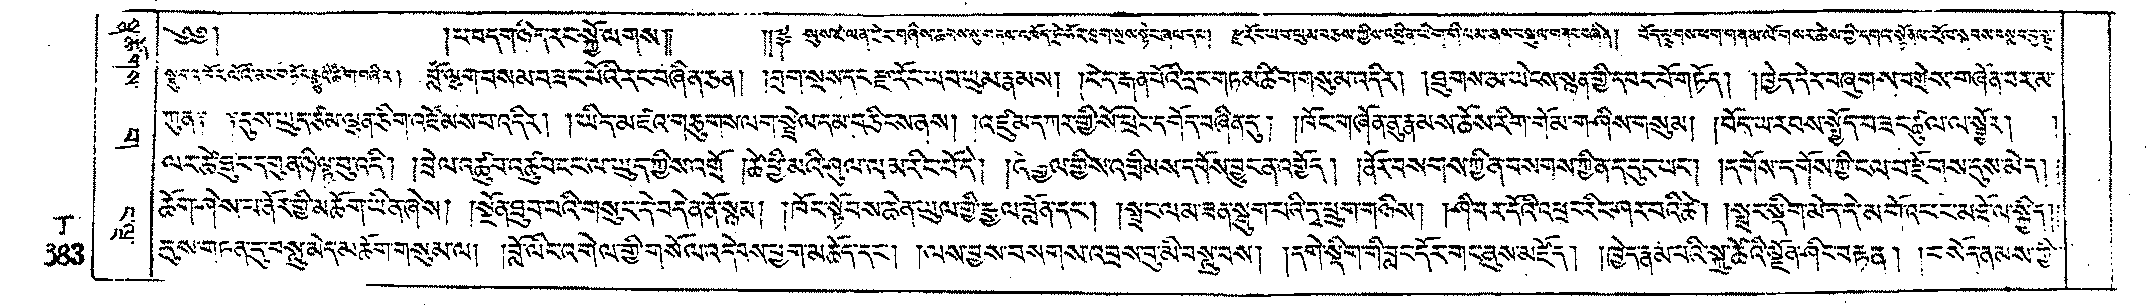༄༅། །པ་བདག་ཉིད་རང་སྐྱོ་ལགས།། །།འྶུས་ཛ་ལན་ཀྲེར་གཞིས་ཆགས་སུ་གནས་འཁོད་ཏྲེ་ཧོར་བྲག་སྲས་སྟེང་ཞལ་དང་། རྫ་རོང་ཡབ་ཡུམ་བཅས་ཀྱིས་འཕྲིན་ཡིག་གི་ལམ་ནས་བསྐུལ་གནང་བཞིན། བོད་ལྕགས་ཕག་གནམ་ལོ་གསར་ཚེས་ཀྱི་དགའ་སྟོན་ལ་རོལ་སྐབས་བསླབ་བྱ་སྒྲ་
སྡུད་འཁོར་ལོའི་ནང་གཏོང་རྒྱུའི་ཚིག་གཞིར། བློ་ལྷག་བསམ་བཟང་པོའི་རང་བཞིན་ཅན། །བྲག་སྲས་དང་རྫ་རོང་ཡབ་ཡུམ་རྣམས། །ངེད་རྒན་པོའི་དྲང་གཏམ་ཚིག་གསུམ་འདིར། །ཐུགས་མ་ཡེངས་སྙན་གྱི་དབང་པོ་གཏོད། །ཁྱེད་དེར་བཞུགས་བགྲེས་གཞོན་བར་མ་
ཀུན༑ ༑དུས་ཡུད་ཙམ་ལྷན་ཅིག་འཛོམས་པ་འདིར། །ཡིད་མཛའ་གཅུགས་ལག་སྦྲེལ་དམ་བཅིངས་ནས། །འཛུམ་དཀར་གྱི་སོ་ཕྲེང་དགོད་བཞིན་དུ། །ཁོང་གཞོན་ནུ་རྣམས་ཆོས་རིག་གོམ་གཤིས་གསུམ། །བོད་ཡ་རབས་སྤྱོད་བཟང་ཚུལ་ལ་སྦྱོར། །
ལར་ཚེ་ཐུང་དགུན་ཉི་ལྟ་བུ་འདི། །བྲེལ་འཚུབ་འཚུབ་ངང་ལ་ཡུད་ཀྱིས་འགྲོ་།ཚེ་ཕྱི་མའི་ཤུལ་ལམ་རིང་པོ་དེ། །འགྱལ་གྱིས་འགྲིམས་དགོས་བྱུང་ན་འགྱོད། །ནོར་བསགས་ཀྱིན་བསགས་ཀྱིན་ད་དུང་ཡང་། །དགོས་དགོས་ཀྱི་ངལ་བ་རྫོགས་དུས་མེད། །
ཆོག་ཤེས་པ་ནོར་གྱི་མཆོག་ཡིན་ཞེས། །སྔོན་ཐུབ་པའི་གསུང་དེ་བདེན་ནོ་སྙམ། །ཁོང་སྟོབས་ཆེན་ཡུལ་གྱི་རྒྱལ་བློན་དང་། །སྤྲང་ལམ་ཟན་སྒུག་པའི་དྭ་ཕྲུག་གཉིས། །ཤི་བར་དོའི་འཕྲང་རིང་ཤར་བའི་ཚེ། །སྤྲང་སྡིག་མེད་དེ་མགོ་འཕང་མཐོ་ལ་སྐྱིད།།
དུས་གཏན་དུ་བསླུ་མེད་མཆོག་གསུམ་ལ། །བློ་ལིང་འགེལ་གྱི་གསོལ་འདེབས་ཕྱག་མཆོད་དང་། །ལས་བྱས་བསགས་འབྲས་བུ་མི་བསླུ་བས། །དགེ་སྡིག་གི་བླང་དོར་གང་ནུས་མཛོད། །ཁྱེད་རྣམ་པའི་སྐུ་ཚེའི་ལྗོན་ཤིང་བརྟན། །བསོད་ནམས་ཀྱི་་་